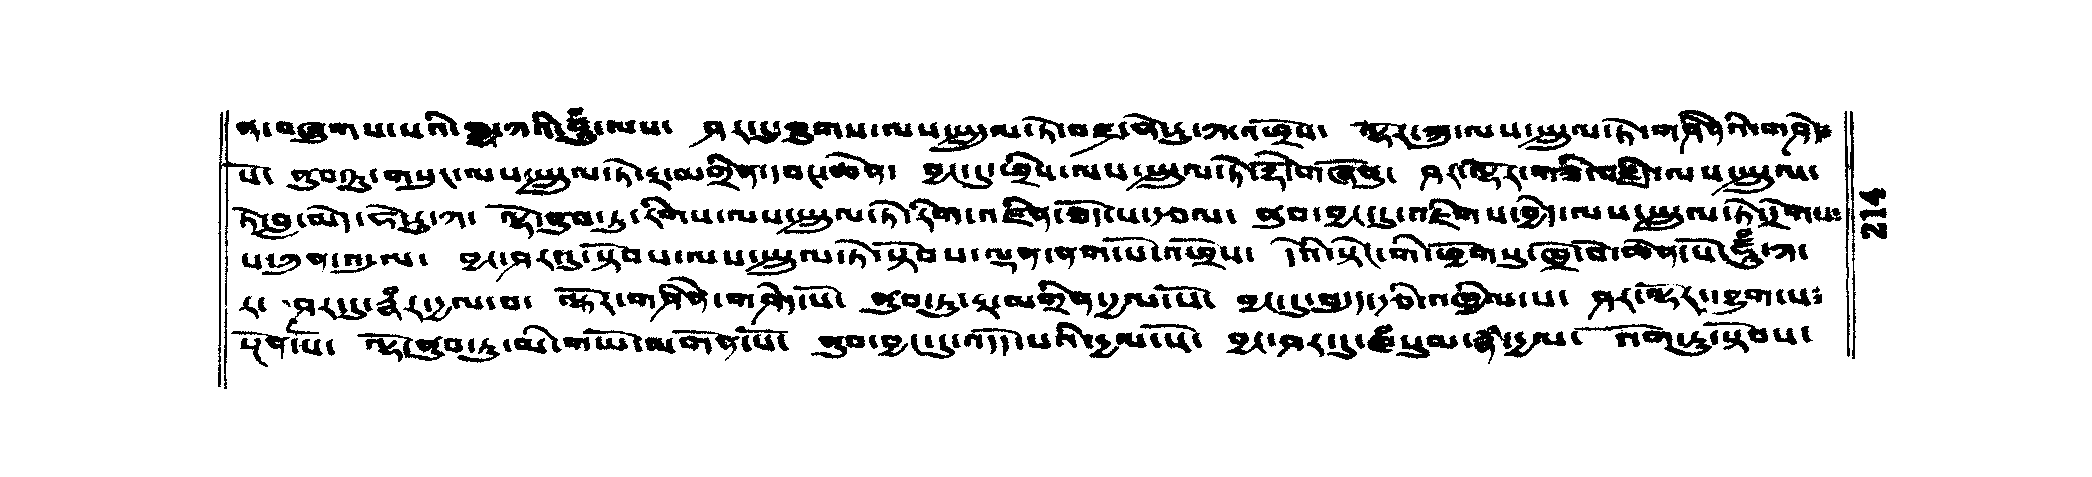ན་བཞུགས་པའི་ཐུགས་ཀའི་ཧཱུྃ་ལས། ཤར་དུ་ཐུགས་ལས་སྤྲུལ་ཏེ་བཛྲ་ཧེ་རུ་ཀ་འཕྲོས། ལྷོར་སྐུ་ལས་སྤྲུལ་ཏེ་གཤིན་རྗེའི་གཤེད་
པོ།ནུབ་ཏུ་གསུང་ལས་སྤྲུལ་ཏེ་རྟ་མགྲིན་དབང་ཆེན། བྱང་དུ་ཕྲིན་ལས་སྤྲུལ་ཏེ་རྡོ་རྗེ་གཞོན་ནུ། ཤར་ལྷོར་གཟི་བརྗིད་ལས་སྤྲུལ་
ཏེ་བླ་མེད་ཧེ་རུ་ཀ། ལྷོ་ནུབ་ཏུ་རིགས་ལས་སྤྲུལ་ཏེ་རིག་འཛིན་ཐོད་པ་རྩལ། ནུབ་བྱང་དུ་འཇིགས་བྱེད་ལས་སྤྲུལ་ཏེ་དྲེགས་
པ་ཀུན་འདུལ། བྱང་ཤར་དུ་སྟོབས་ལས་སྤྲུལ་ཏེ་སྟོབས་ལྡན་ནག་པོ་འཕྲོས། དེའི་སྟེང་གི་ཕྱོགས་སུ་ཁྲོ་བོ་ཆེན་པོ་ཧཱུྃ་ཀ་
ར། ཤར་དུ་རྣམ་པར་རྒྱལ་བ། ལྷོར་གཤིན་རྗེ་གཤེད་པོ། ནུབ་ཏུ་རྟ་མགྲིན་རྒྱལ་པོ། བྱང་དུ་བདུད་རྩི་འཁྱིལ་པ། ཤར་ལྷོར་དབྱུག་པ་
སྔོན་པོ། ལྷོ་ནུབ་ཏུ་མི་གཡོ་མགོན་པོ། ནུབ་བྱང་དུ་འདོད་པའི་རྒྱལ་པོ། བྱང་ཤར་དུ་ཁམས་གསུམ་རྣམ་རྒྱལ། འོག་ཏུ་སྟོབས་